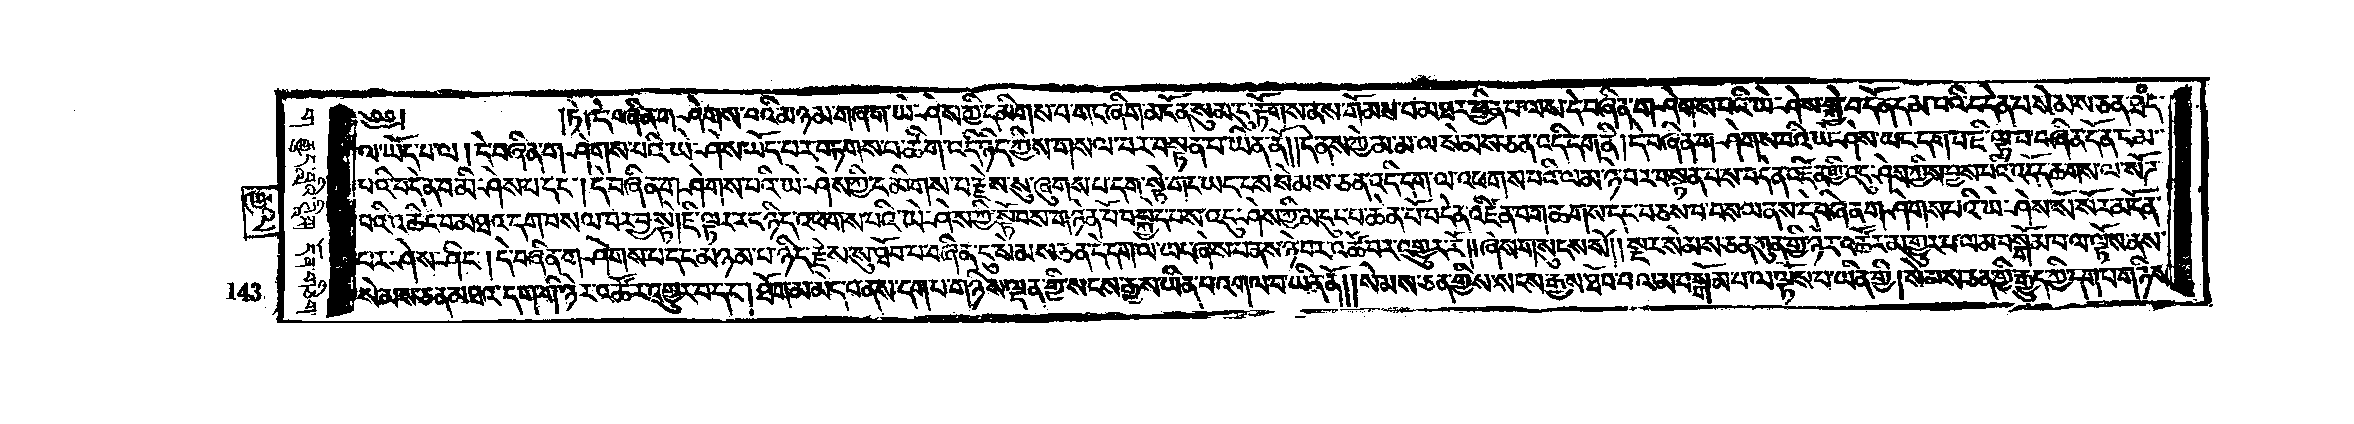༄༅། །ཏེ༑ དེ་བཞིན་གཤེགས་པའི་མཉམ་གཞག་ཡེ་ཤེས་ཀྱི་དམིགས་པ་གང་ཞིག་མངོན་སུམ་དུ་རྟོགས་ནས་གོམས་པ་མཐར་ཕྱིན་པ་ལས་དེ་བཞིན་གཤེགས་པའི་ཡེ་ཤེས་སྐྱེ་བ་དོན་དམ་པའི་བདེན་པ་སེམས་ཅན་ཐམས་ཅད་
ལ་ཡོད་པ་ལ། དེ་བཞིན་གཤེགས་པའི་ཡེ་ཤེས་ཡོད་པར་བཏགས་པ་ཚིག་འདི་ཉིད་ཀྱིས་གསལ་བར་བསྟན་པ་ཡིན་ནོ། །དེ་ནས་ཀྱེ་མ་མ་ལ་སེམས་ཅན་འདི་དག་ནི། དེ་བཞིན་གཤེགས་པའི་ཡེ་ཤེས་ཡང་དག་པ་ཇི་ལྟ་བ་བཞིན་དོན་དམ་
པའི་བདེན་པ་མི་ཤེས་པ་དང་། དེ་བཞིན་གཤེགས་པའི་ཡེ་ཤེས་ཀྱི་དམིགས་པ་རྗེས་སུ་ཞུགས་པ་དག་སྟེ་གང་ཡང་ངས་སེམས་ཅན་འདི་དག་ལ་འཕགས་པའི་ལམ་ཉེ་བར་བསྟན་པས་བདེན་འཛིན་གྱི་འདུ་ཤེས་ཀྱིས་བྱས་པའི་འདོད་ཆགས་ལ་སོགས་
པའི་འཆིང་བ་མཐའ་དག་བསལ་བར་བྱ་སྟེ། ཇི་ལྟར་རང་ཉིད་འཕགས་པའི་ཡེ་ཤེས་ཀྱི་སྟོབས་གཉེན་པོ་བསྐྱེད་པས་འདུ་ཤེས་ཀྱི་མདུང་པ་ཆེན་པོ་བདེན་འཛིན་བག་ཆགས་དང་བཅས་པ་བསལ་ནས་དེ་བཞིན་གཤེགས་པའི་ཡེ་ཤེས་སོ་སོར་མངོན་
པར་ཤེས་ཤིང་། དེ་བཞིན་གཤེགས་པ་དང་མཉམ་པ་ཉིད་རྗེས་སུ་ཐོབ་པ་བཞིན་དུ་སེམས་ཅན་དེ་དག་ལ་ཡང་ཞེས་པ་ནས་ཉེ་བར་འཚོ་བར་འགྱུར་རོ། །ཞེས་གསུངས་སོ། །སྔར་སེམས་ཅན་ཀུན་གྱི་ཉེར་འཚོར་མ་གྱུར་པ་ལམ་བསྒོམ་པ་ལ་ལྟོས་ནས་
སེམས་ཅན་མཐའ་དག་གི་ཉེར་འཚོར་འགྱུར་བ་དང་། ཐོག་མ་མེད་པ་ནས་དག་པ་གཉིས་ལྡན་གྱིས་སངས་རྒྱས་ཡིན་པ་འགལ་བ་ཡིན་ནོ། །སེམས་ཅན་གྱིས་སངས་རྒྱས་ཐོབ་པ་ལམ་བསྒོམ་པ་ལ་ལྟོས་པ་ཡིན་གྱི་།སེམས་ཅན་གྱི་རྒྱུད་ཀྱི་དག་པ་གཉིས་